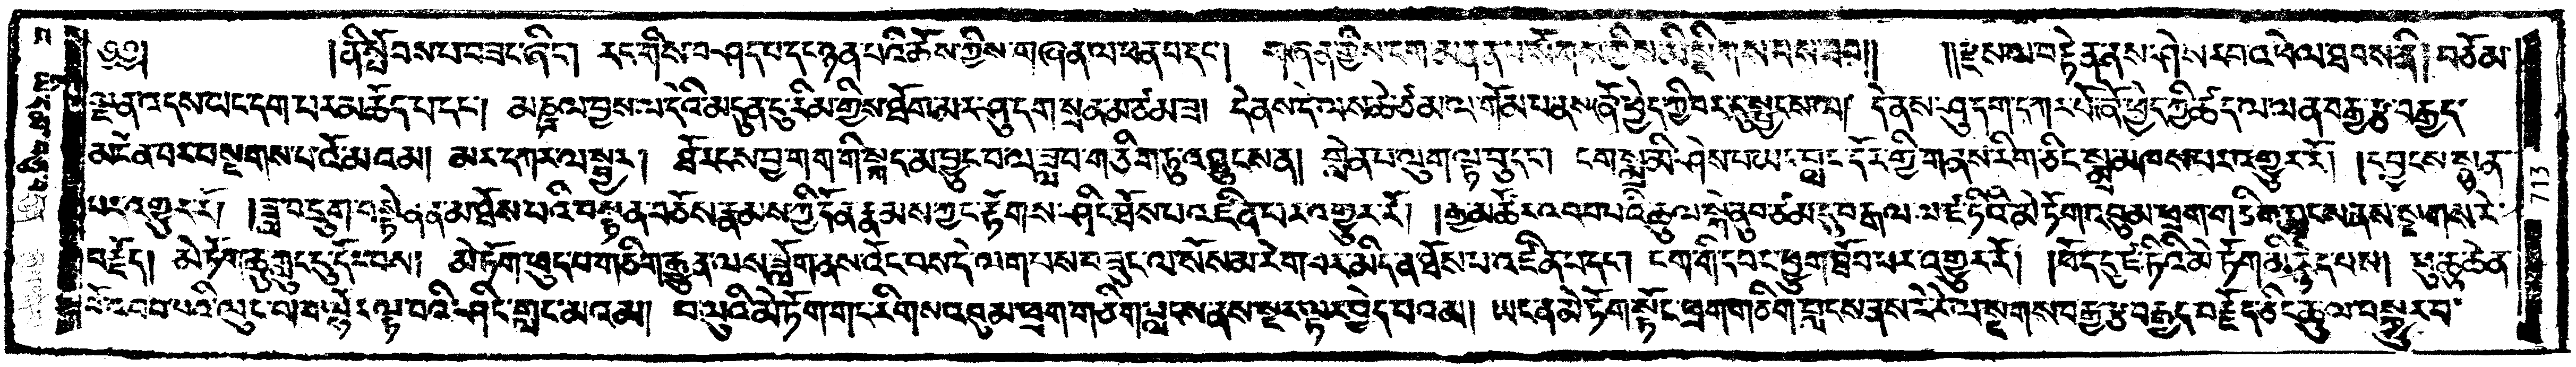༄༅། །ནི་སྤོབས་པ་བཟང་ཞིང་། རང་གིས་བཤད་པ་དང་ཉན་པའི་ཆོས་ཀྱིས་གཞན་ལ་ཕན་པ་དང་། གཞན་གྱིས་ངག་མནན་པ་སོགས་ཀྱིས་མི་སྡིགས་བས་ཟབ།། །།རྫས་ལ་བརྟེན་ནས་ཤེས་རབ་འཕེལ་ཐབས་སྣི། བཅོམ་
ལྡན་འདས་ཡང་དག་པར་མཆོད་པ་དང་། མཎྜལ་བྱས་ལ་དེའི་མདུན་དུ་རིམ་གྱིས་ཐོབ་མར་ཤུ་དག་སྲན་མ་ཙམ་ཟ། དེ་ནས་དེ་ལས་ཆེ་ཙམ་ལ་གོམ་པ་ནས་ཞོ་ཕྱེད་ཀྱི་བར་དུ་སྤྱངས་ལ། དེ་ནས་ཤུ་དག་དཀར་པོ་ཞོ་ཕྱེད་ཀྱི་ཚད་ལ་ལན་བརྒྱ་རྩ་བརྒྱད་
མངོན་པར་བསྔགས་པ་འོ་མའམ། མར་དཀར་ལ་སྦྱར། ཐོ་རངས་བྱ་གག་གི་སྐད་མ་བྱུང་བ་ལ་ཟླ་བ་གཅིག་ཏུ་འཐུངས་ན། གླེན་པ་ལུག་ལྟ་བུ་དང་། ངག་སྨྲ་མི་ཤེས་པ་ཡང་བླང་དོར་གྱི་གནས་རིག་ཅིང་སྨྲས་མཁས་པར་འགྱུར་རོ། །དབྱངས་སྙན་
པར་འགྱུར་རོ། །ཟླ་བ་དྲུག་བསྟེན་ན་མ་ཐོས་པའི་བསྟན་བཅོས་རྣམས་ཀྱི་དོན་རྣམས་ཀྱང་རྟོགས་ཤིང་ཐོས་པ་འཛིན་པར་འགྱུར་རོ། །རྒྱ་མཚོར་འབབ་པའི་ཆུ་ལ་སྐེ་ནུ་བཙམ་དུ་བརྒལ་ལ་ཛ་ཏིའི་མེ་ཏོག་འབུམ་ཕྲག་གཅིག་བླངས་ནས་སྔགས་རེ་
བརྗོད། མེ་ཏོག་ཆུ་ཀླུང་དུ་དོར་བས། མེ་ཏོག་ཕུང་པ་གཅིག་རྒྱུན་ལས་ཟློག་ནས་འོང་བས་དེ་ལག་པས་བཟུང་ལ་སོས་མ་རེག་པར་མིད་ན་ཐོས་པ་འཛིན་པ་དང་། ངག་གི་དབང་ཕྱུག་ཐོབ་པར་འགྱུར་རོ། །བོད་དུ་ཛ་ཏིའི་མེ་ཏོག་མི་རྙེད་པས། ཕུ་ཆུ་ཆེན་
བོ་འབབ་པའི་ལུང་བ་ཁ་ལྷོར་ལྟ་བའི་ཤིང་གླང་མའམ། བ་ལུའི་མེ་ཏོག་གང་རིགས་འབུམ་ཕྲག་གཅིག་བླངས་ནས་སྔར་ལྟར་བྱེད་པའམ། ཡང་ན་མེ་ཏོག་སྟོང་ཕྲག་གཅིག་བླངས་ནས་རེ་རེ་ལ་སྔགས་བརྒྱ་རྩ་བརྒྱད་བརྗོད་ཅིང་ཆུ་ལ་བསྐྱུར་བ་